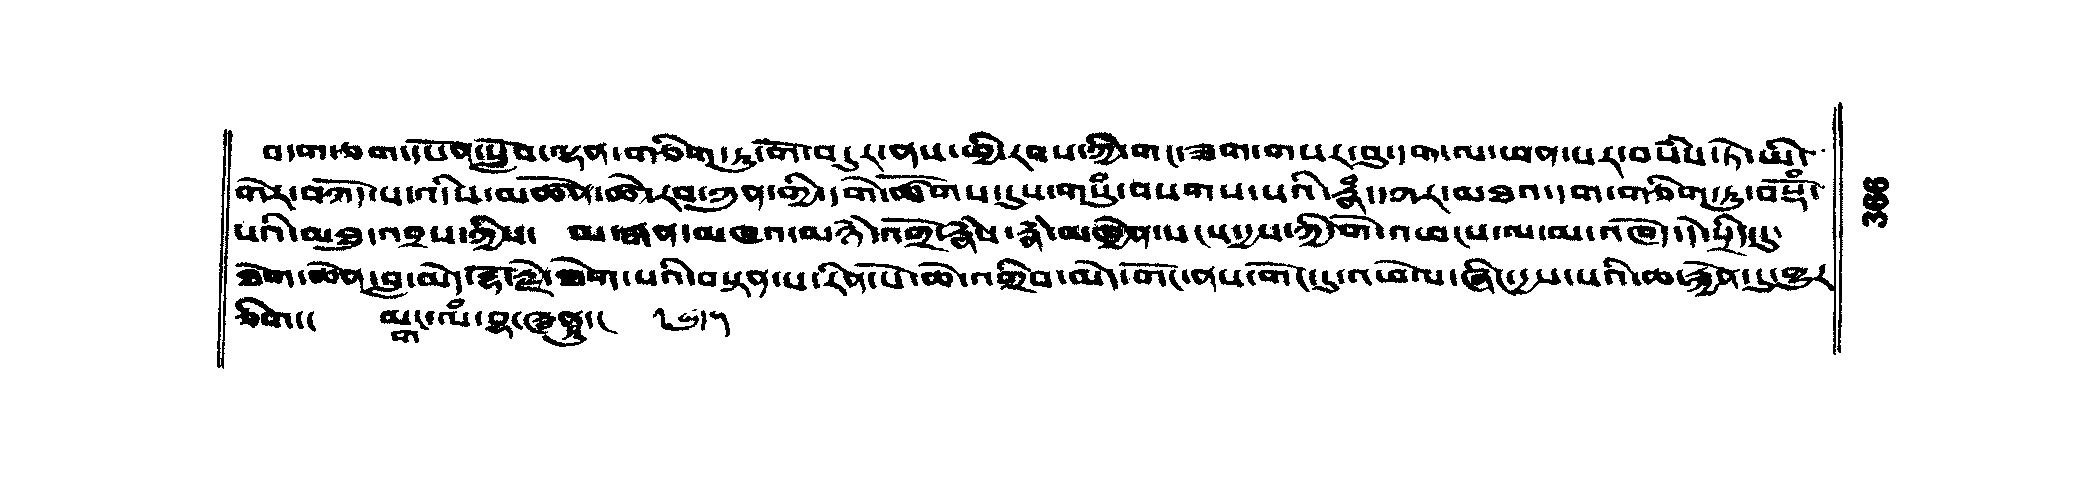བདག་ཅག་དཔོན་སློབ་ལྷན་གཅིག་ཏུ་གོ་བདུར་ནས་ཕྱི་རབས་ཀྱི་གང་ཟག་གསར་བུ་དག་ལ་ཕན་པར་བསམས་ཏེ་ཡི་
གེར་བཀོད་པ་འདིས་མཚོན་ཆེན་རབ་ཀུན་གྱི་དགེ་ཚོགས་དུས་གསུམ་བསགས་པའི་རྣམ་དཀར་མཐའ་དག་གཅིག་ཏུ་བསྡོམ་
པའི་མཐུ་འབྲས་ཀྱིས། མ་རྒན་མཁའ་མཉམ་འགྲོ་རྣམ་མཁྱེན་སངས་རྒྱས་ཀྱི་གོ་འཕངས་ལ་མ་འཁོད་དེ་སྲིད་དུ་
ཐེག་ཆེན་བླ་མེད་རྡོ་རྗེ་ཐེག་པའི་བསྟན་པ་རིན་པོ་ཆེ་འགྲིབ་མེད་གོང་ནས་གོང་དུ་འཕེལ་ཞིང་རྒྱས་པའི་ཆ་རྐྱེན་དུ་གྱུར་ཅིག མངྒ་ལམ་བྷ་ཝནྟུ།།